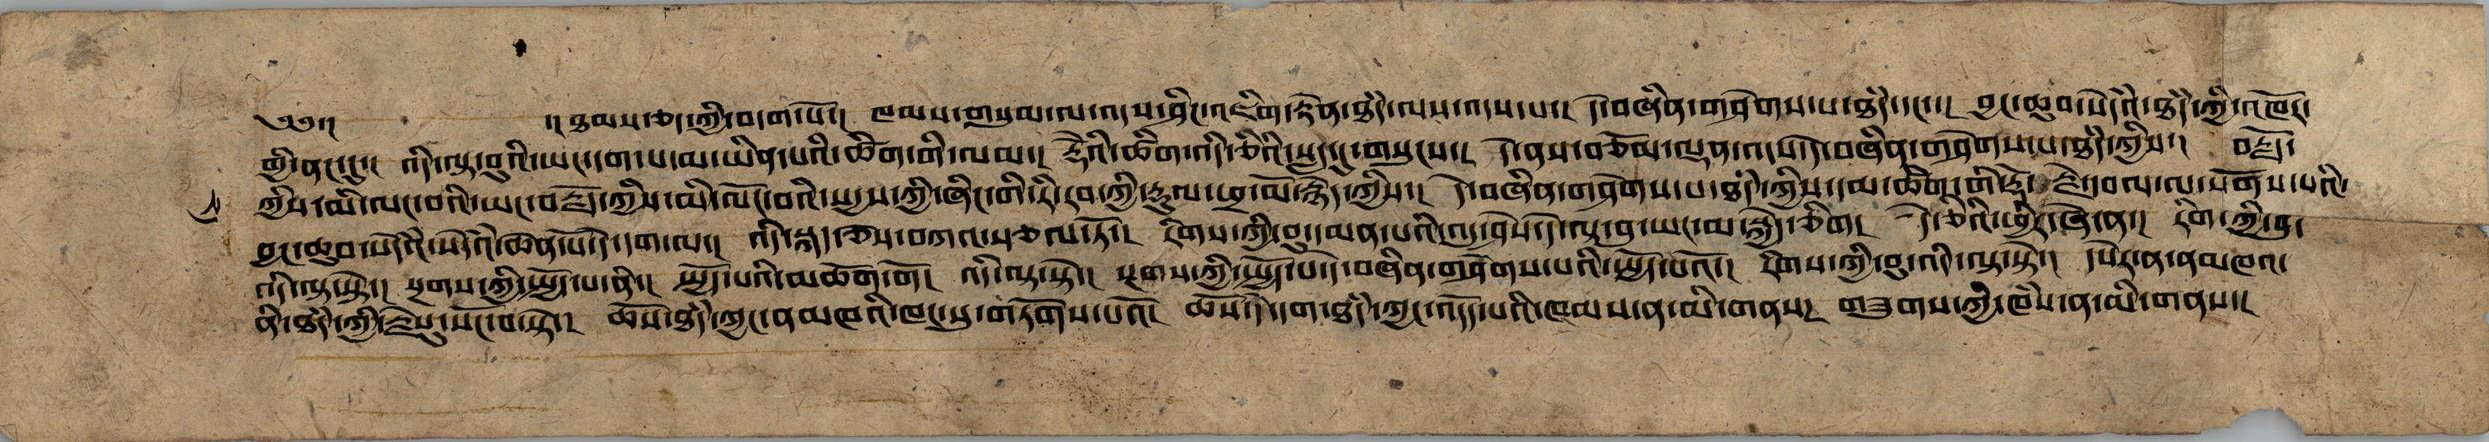༄༅་། ་།ཐམས་ཅད་ཀྱི་བདག་པོ་། ཁམས་གསུམ་ལ་འདས་ཤིང་འཇིག་རྟེན་ཐཾད་ལས་འདས་པ་། དེ་བཞིན་གཤེགས་པ་ཐཾད་དང་་། བྱང་ཆུབ་སེདཾའ་ཐཾད་ཀྱི་འཁོར་
གྱི་ནང་དུ་། འདི་ལྟ་བུའི་ཡང་དག་པ་མ་ཡིན་པའི་ཚིག་གི་ལམ་། རྡོེའི་ཚིག་འདི་ཅིའི་སླད་དུ་གསུངས་། དེ་ནས་བཅོམ་ལྡན་འདས་དེ་བཞིན་གཤེགས་པ་ཐཾད་ཀྱིས་། བརྗོད་
ཀྱིས་མི་ལང་པའི་ཡང་བརྗོད་ཀྱིས་མི་ལོང་བའི་སདྱས་ཀྱི་ཞིང་གི་རི་རབ་ཀྱི་རྡུལ་ཕྲ་མོ་རྙེད་ཀྱིས་། དེ་བཞིན་གཤེགས་པ་ཐཾད་ཀྱིས་དམ་ཚིག་གི་རྡོ་རྗེ་དཔལ་ལ་སོགས་པའི་
བྱང་ཆུབ་སེདཾའ་སེདཾའ་ཆེན་པོ་དེ་དག་ལ་། འདི་སྐད་ཅེས་བཀའ་སྩལ་ཏོ་། རིགས་ཀྱི་བུ་དམན་པའི་འདུ་ཤེས་དེ་ལྟ་བུ་ཡང་མ་སྐྱེད་ཅིག། དེ་ཅིའི་ཕྱིར་ཞེ་ན་། རིག་ཀྱི་བུ་
འདི་ལྟ་སྟེ་། སྔགས་ཀྱི་སྤྱོད་པ་ནི་། སྤྱོད་པའི་མཆོག་གོ། འདི་ལྟ་སྟེ་། སྔགས་ཀྱི་སྤྱོད་པ་དེ་བཞིན་གཤེགས་པའི་སྤྱོད་པའོ་། རིགས་ཀྱི་བུ་འདི་ལྟ་སྟེ་། དཔེར་ན་ནམཁའ་
ནི་ཐཾད་ཀྱི་རྗེས་སུ་སོང་བ་སྟེ་། ཆོས་ཐཾད་ཀྱང་ནམཁའི་ཁང་སུ་གཏོགས་པའོ་། ཆོས་དེ་དག་ཐཾད་ཀྱང་འདོད་པའི་ཁམས་ན་མི་གནས་། གཟུགས་ཀྱི་ཁཾས་ན་མི་གནས་།